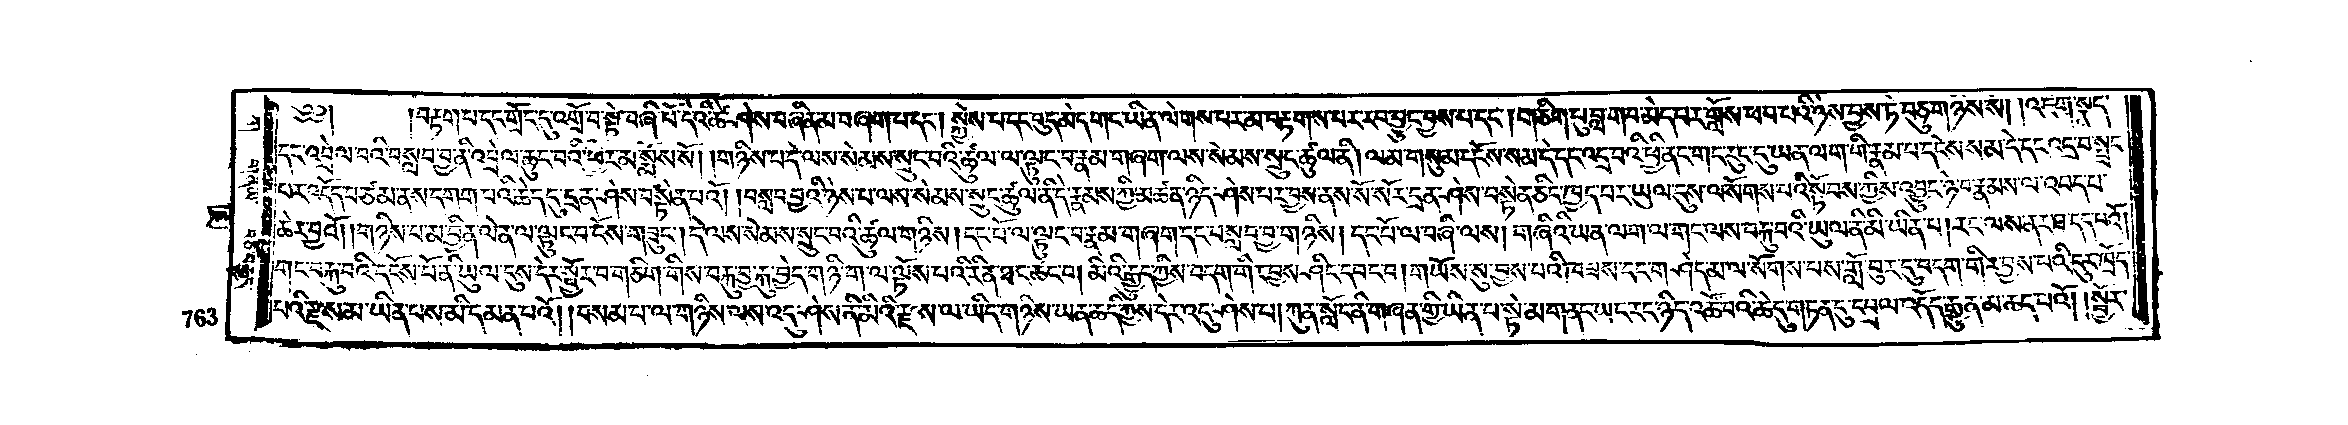༄༅། །བརྟག་པ་དང་གྲོང་དུ་འགྲོ་བ་སྟེ་བཞི་པོ་དེའི་ཚེ་ཤེས་བཞིན་མ་བཞག་པ་དང་། སྐྱེས་པ་དང་བུད་མེད་གང་ཡིན་ལེགས་པར་མ་བརྟགས་པར་རབ་བྱུང་བྱས་པ་དང་། གཅིག་པུ་བླ་གབ་མེད་པར་གློས་ཕབ་པའི་ཉེས་བྱས་ཏེ་བཅུ་གཉིས་སོ། །འཇིག་སྣད་
དང་འབྲེལ་བའི་བསླབ་བྱ་ནི་འབྲེལ་ཆུང་བའི་ཕྱིར་མ་སྨོས་སོ། །གཉིས་པ་དེ་ལས་སེམས་སྲུང་བའི་ཚུལ་ལ་ལྟུང་བ་རྣམ་གཞག་ལས་སེམས་སྲུང་ཚུལ་ནི། ལམ་གསུམ་དངོས་སམ་དེ་དང་འདྲ་བའི་ཕྱི་ནང་གང་རུང་དུ་ཡན་ལག་གི་རྣམ་པ་དངེས་སམ་དེ་དང་འདྲ་བ་སྤྲང་
པར་འདོད་པ་ཙམ་ནས་དགག་པའི་ཆེད་དུ་དྲན་ཤེས་བསྟེན་པའོ། །བསླབ་བྱའི་ཉེས་པ་ལས་སེམས་སྲུང་ཚུལ་ནི་དེ་རྣམས་ཀྱི་མཚན་ཉིད་ཤེས་པར་བྱས་ནས་སོ་སོར་དྲན་ཤེས་བསྟེན་ཅིང་ཁྱད་པར་ཡུལ་དུས་ལ་སོགས་པའི་སྟོབས་ཀྱིས་འབྱུང་ཉེ་བ་རྣམས་ལ་འབད་པ་
ཆེར་བྱའོ། །གཉིས་པ་མ་བྱིན་ལེན་ལ་ལྟུང་བ་ངོས་གཟུང་། དེ་ལས་སེམས་སྲུང་བའི་ཚུལ་གཉིས། དང་པོ་ལ་ལྟུང་བ་རྣམ་གཞག་དང་བསླབ་བྱ་གཉིས། དང་པོ་ལ་བཞི་ལས། གཞིའི་ཡན་ལག་ལ་གང་ལས་བརྐུ་བའི་ཡུལ་ནི་མི་ཡིན་པ། རང་ལས་ནར་ཐ་དད་པའོ།
གང་བརྐུ་བའི་དངོས་པོ་ནི་ཡུལ་དུས་དེར་སྦྱོར་བ་གཅིག་གིས་བརྐུ་བྱ་རྐུ་བྱེད་གཉི་ག་ལ་ལྟོས་པའི་རིན་ཐང་ཚང་བ། མིའི་རྒྱུད་ཀྱིས་བདག་གིར་བྱས་ཤིང་དབང་བ། གཡོས་སུ་བྱས་པའི་ཁ་ཟས་དང་གཤེད་མ་ལ་སོགས་པས་གློ་བུར་དུ་བདག་གིར་བྱས་པའི་དུར་ཁྲོད་
པའི་རྫས་མ་ཡིན་པས་མི་དམན་པའོ། །བསམ་པ་ལ་གཉིས་ལས་འདུ་ཤེས་ནི་མིའི་རྫས་ལ་ཡིད་གཉིས་ཡན་ཆད་ཀྱིས་དེར་འདུ་ཤེས་པ། ཀུན་སློང་ནི་གཞན་གྱི་ཡིན་པ་སྟེ་མ་གནང་ཡང་རང་ཉིད་འཚོ་བའི་ཆེད་དུ་གཏན་དུ་དབྲལ་འདོད་རྒྱུན་མ་ཆད་པའོ། །སྦྱོར་